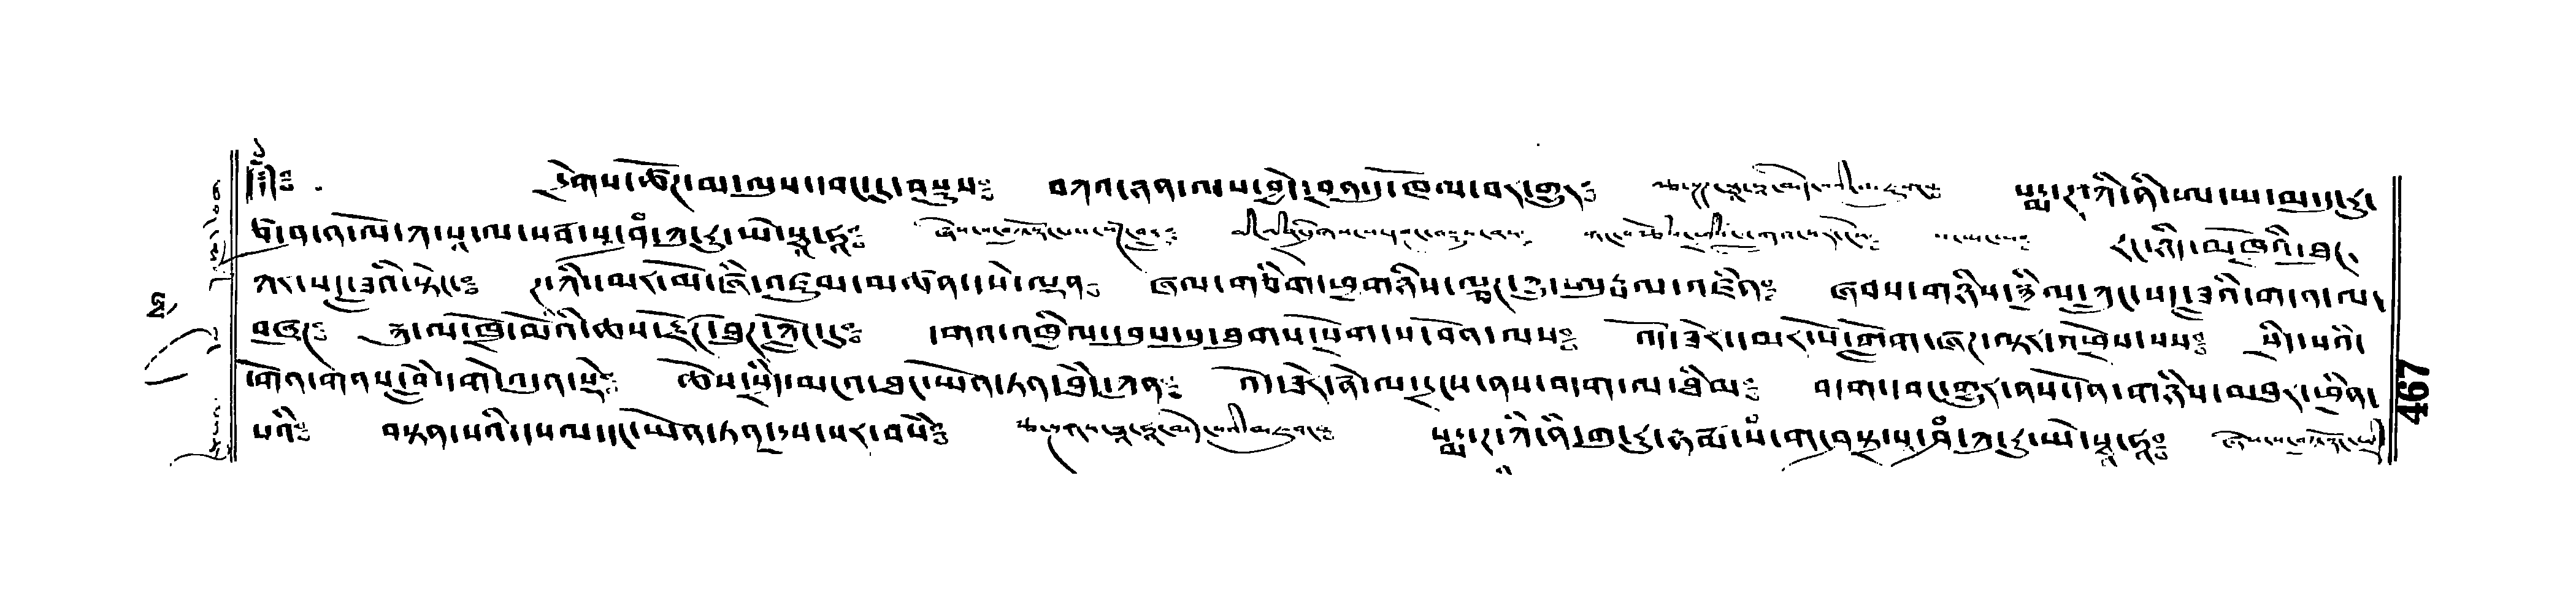དྲེགས་ཚོགས་མ་ལུས་དབང་དུ་བསྡུས༔ བཀའ་ཉན་ལས་བྱེད་བྲན་དུ་འཁོལ་བར་གྱུར༔ རྩ་སྔགས་སྭཱ་ཧཱ་མེད་པའི་མཇུག༔ པདྨ་ཌཱ་ཀི་ནི་ཨ་ཡ་མ་དུ་རུ་
ཙ་ཤ་ན་ལོ་ཀ་པཱ་ལ་སརྦ་པཱ་ཤཾ་ཀུ་རུ་ཡེ་སྭཱ་ཧཱ༔ ཞེས་པ་བརྒྱ་སྟོང་ལ་སོགས་བཟླ༔ མི་མིན་དྲེགས་པ་དབང་བསྡུས་ནས༔ གང་བརྩམས་ཕྲིན་ལས་འགྲུབ་པར་ངེས༔ ས་མ་ཡ༔ རང་ཉིད་མཁའ་འགྲོའི་ཐུགས་
ཀར་པད་ཟླའི་སྟེང༔ ཌཱ་ཀི་དམར་མོ་ཞི་འཛུམ་མཚན་དཔེ་ལྡན༔ ཞལ་གཅིག་ཕྱག་གཉིས་ལྕགས་ཀྱུ་ཨུཏྤལ་འཛིན༔ ཞབས་གཉིས་སྐྱིལ་ཀྲུང་པད་ཟླའི་གདན་ལ་
བཞུགས༔ སྐུ་ལ་ཁྲོ་མོའི་ཆས་རྫོགས་ཐུགས་ཀློང་དུ༔ དགའ་འཁྱིལ་དབུས་སུ་ཐུགས་སྲོག་ས་བོན་ལས༔ འོད་ཟེར་དམར་པོ་གློག་ཞགས་ལྟར་འཕྲོས་པས༔ སྲིད་པའི་
དགོན་གནས་བླ་མ་དགེ་འདུན་སྡེ༔ ཆོས་སྲིད་མངའ་ཐང་ཡོན་ཏན་ཐམས་ཅད་ཀུན༔ འོད་ཟེར་སྣེ་ལ་དྲངས་ནས་བདག་ལ་ཐིམ༔ བདག་དབང་གྱུར་ནས་དོན་གཉིས་མཐར་ཕྱིན་
པའི༔ བསྟན་པའི་དཔལ་དང་ཡོན་ཏན་རྒྱས་པར་བསམ༔ རྩ་སྔགས་སྭཱ་ཧཱ་མེད་པའི་མཇུག༔ པདྨ་ཌཱ་ཀི་ནི་གུ་རུ་དྷརྨ་སཾ་གྷ་ཤསྟྲ་པཱ་ཤཾ་ཀུ་རུ་ཡེ་སྭཱ་ཧཱ༔ ཞེས་པ་བརྒྱ་སྟོང་ཁྲི་